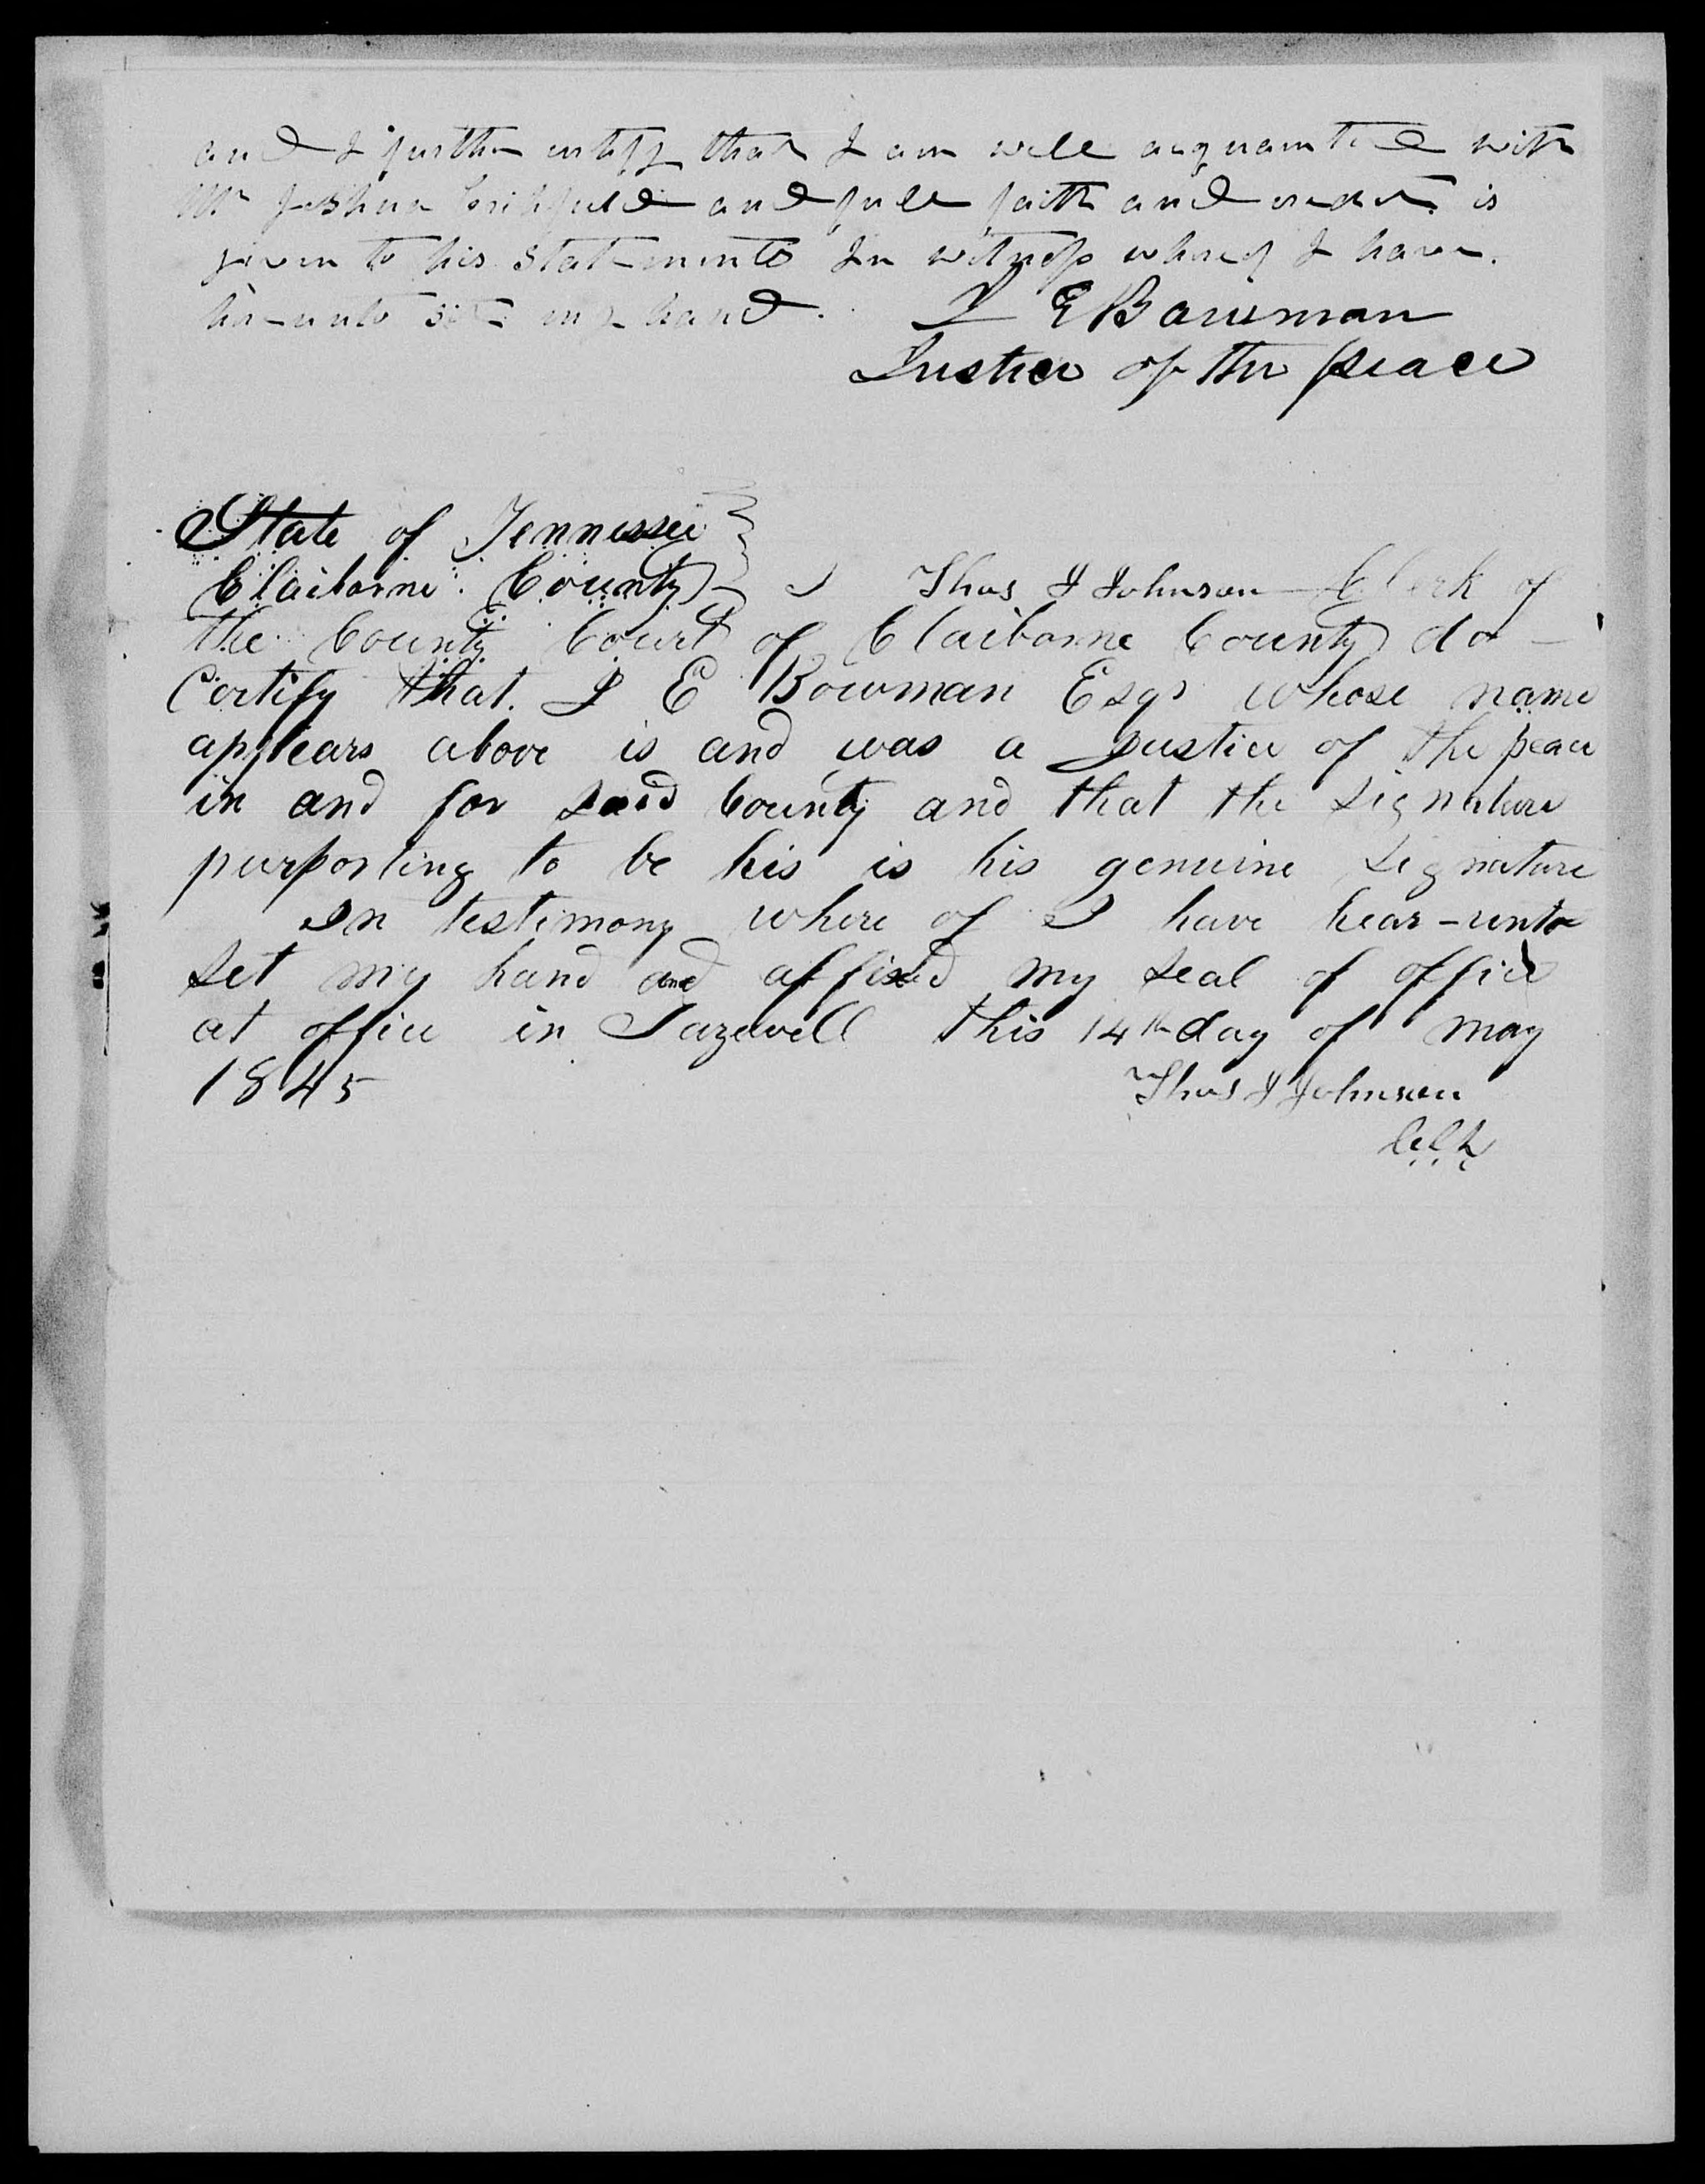and I further certify that I am well acquainted with
Mr Joshua Crichfield and full faith and credit is
given to his statements In witness whereof I have
hereunto set in hand
J E Bowman
Justice of the peace

State of Tennessee  )
Claiborne County    )
I Thos J Johnson Clerk
of the County Court of Claiborne County do
Certify that J E Bowman Esqr whose name
appears above is and was a Justice of the peace
in and for said County and that the Signature
purporting to be his is his genuine Signature
In testimony where of I have hear unto [hereunto]
Set my hand and affixed my seal of office
at office in Tazewell this 14th day of May
1845
Thos J Johnson
Clk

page: 90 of 120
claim: widow's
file: W. 1044, for Salathiel Martin, North Carolina